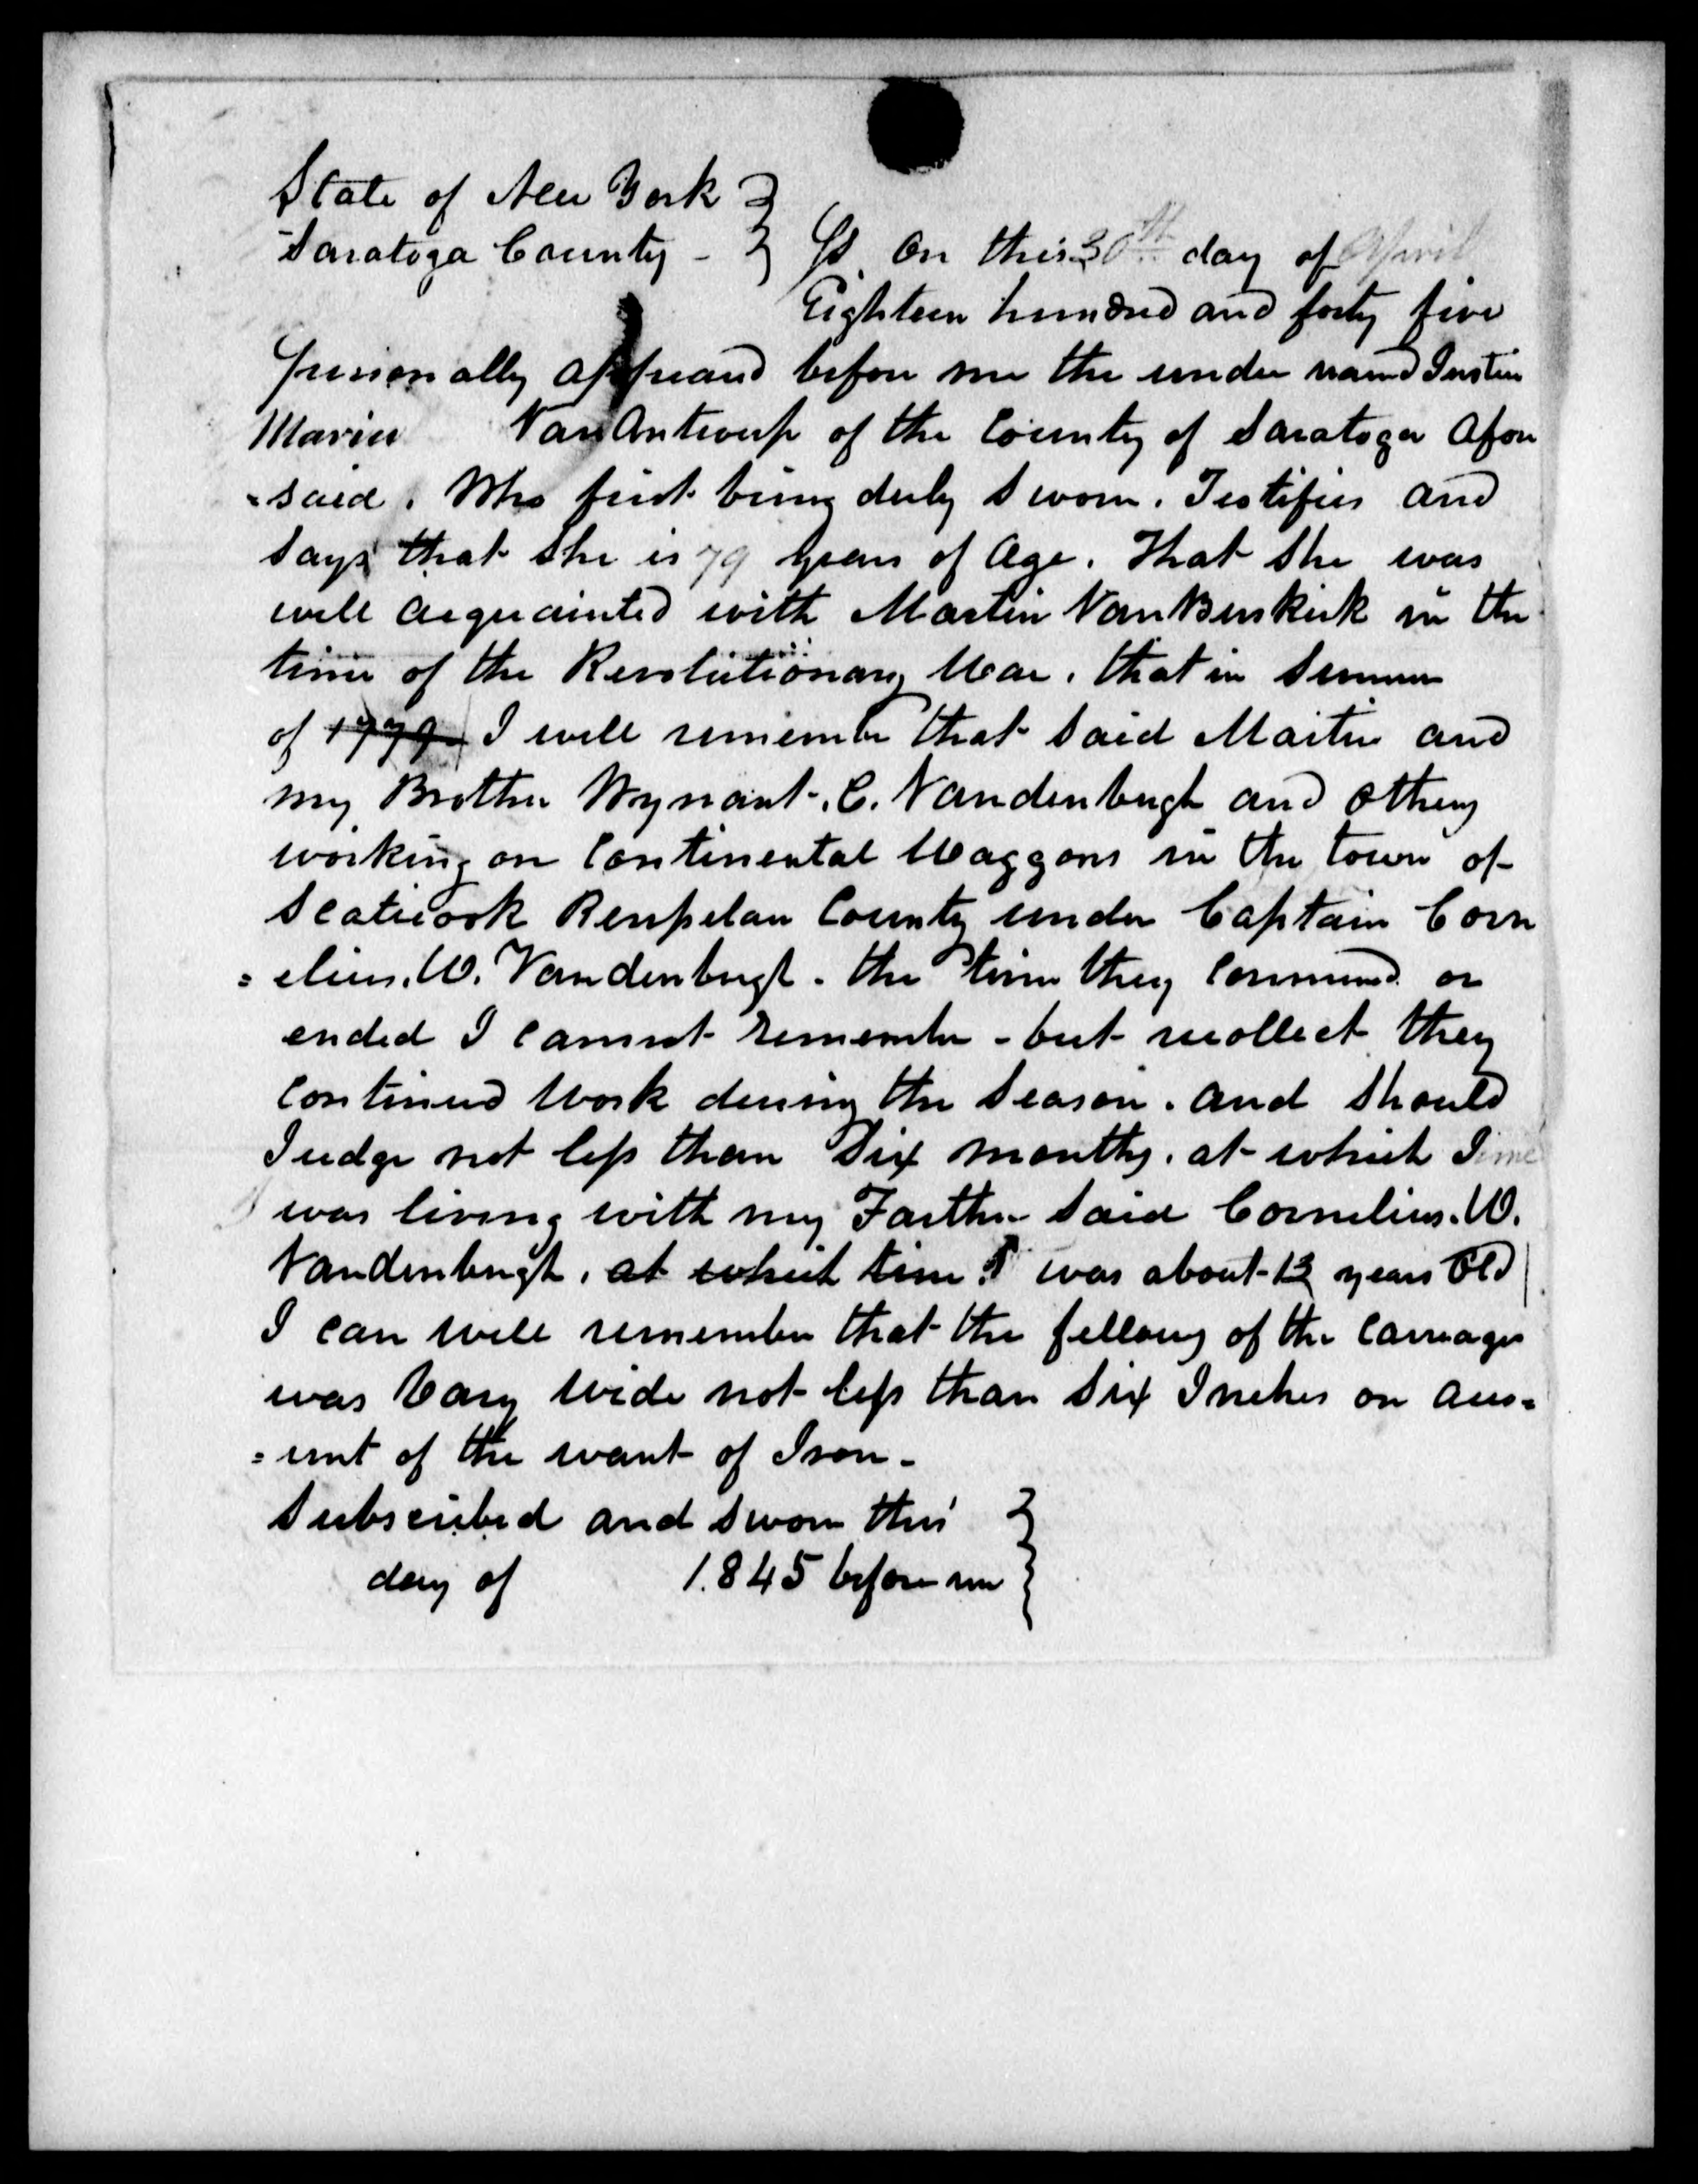State of New York
Saratoga County SS.

On this 30th day of April Eighteen hundred and forty five personally appeared before me the under named Justice Maria Van Antwerp of the County of Saratoga aforesaid.  Who first being duly sworn, testifies and says that she is 79 years of age. That she was well acquainted with Martin Van Buskirk in the time of the Revolutionary War, that in summer of 1779 I well remember that said Martin and my Brother Wynant, C. Vandenburgh and others
working on continental Waggons in the town of Scaticook Rensselaer County under Captain Cornelius W. Vandenburgh.  the time they commend or ended I cannot remember but - recollect they continued work during the season. and should Judge not less than six months, at which time I was living with my Father said Cornelius W. Vandenburgh, at which time I was about 12 years old.  I can well remember that the fellows of the carriage was very wide not less than six inches on assessment of the want of iron.

Subscribed and sworn this [blank] day of
1845 before me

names: Cornelius W Vandenbergh, Maria Van Antwerp, Vandenbergh, Martin Van Buskirk, Wynant C Vandenbergh, Martin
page: 54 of 70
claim: rejected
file: R. 10,832, Martin Van Buskirk, New York.